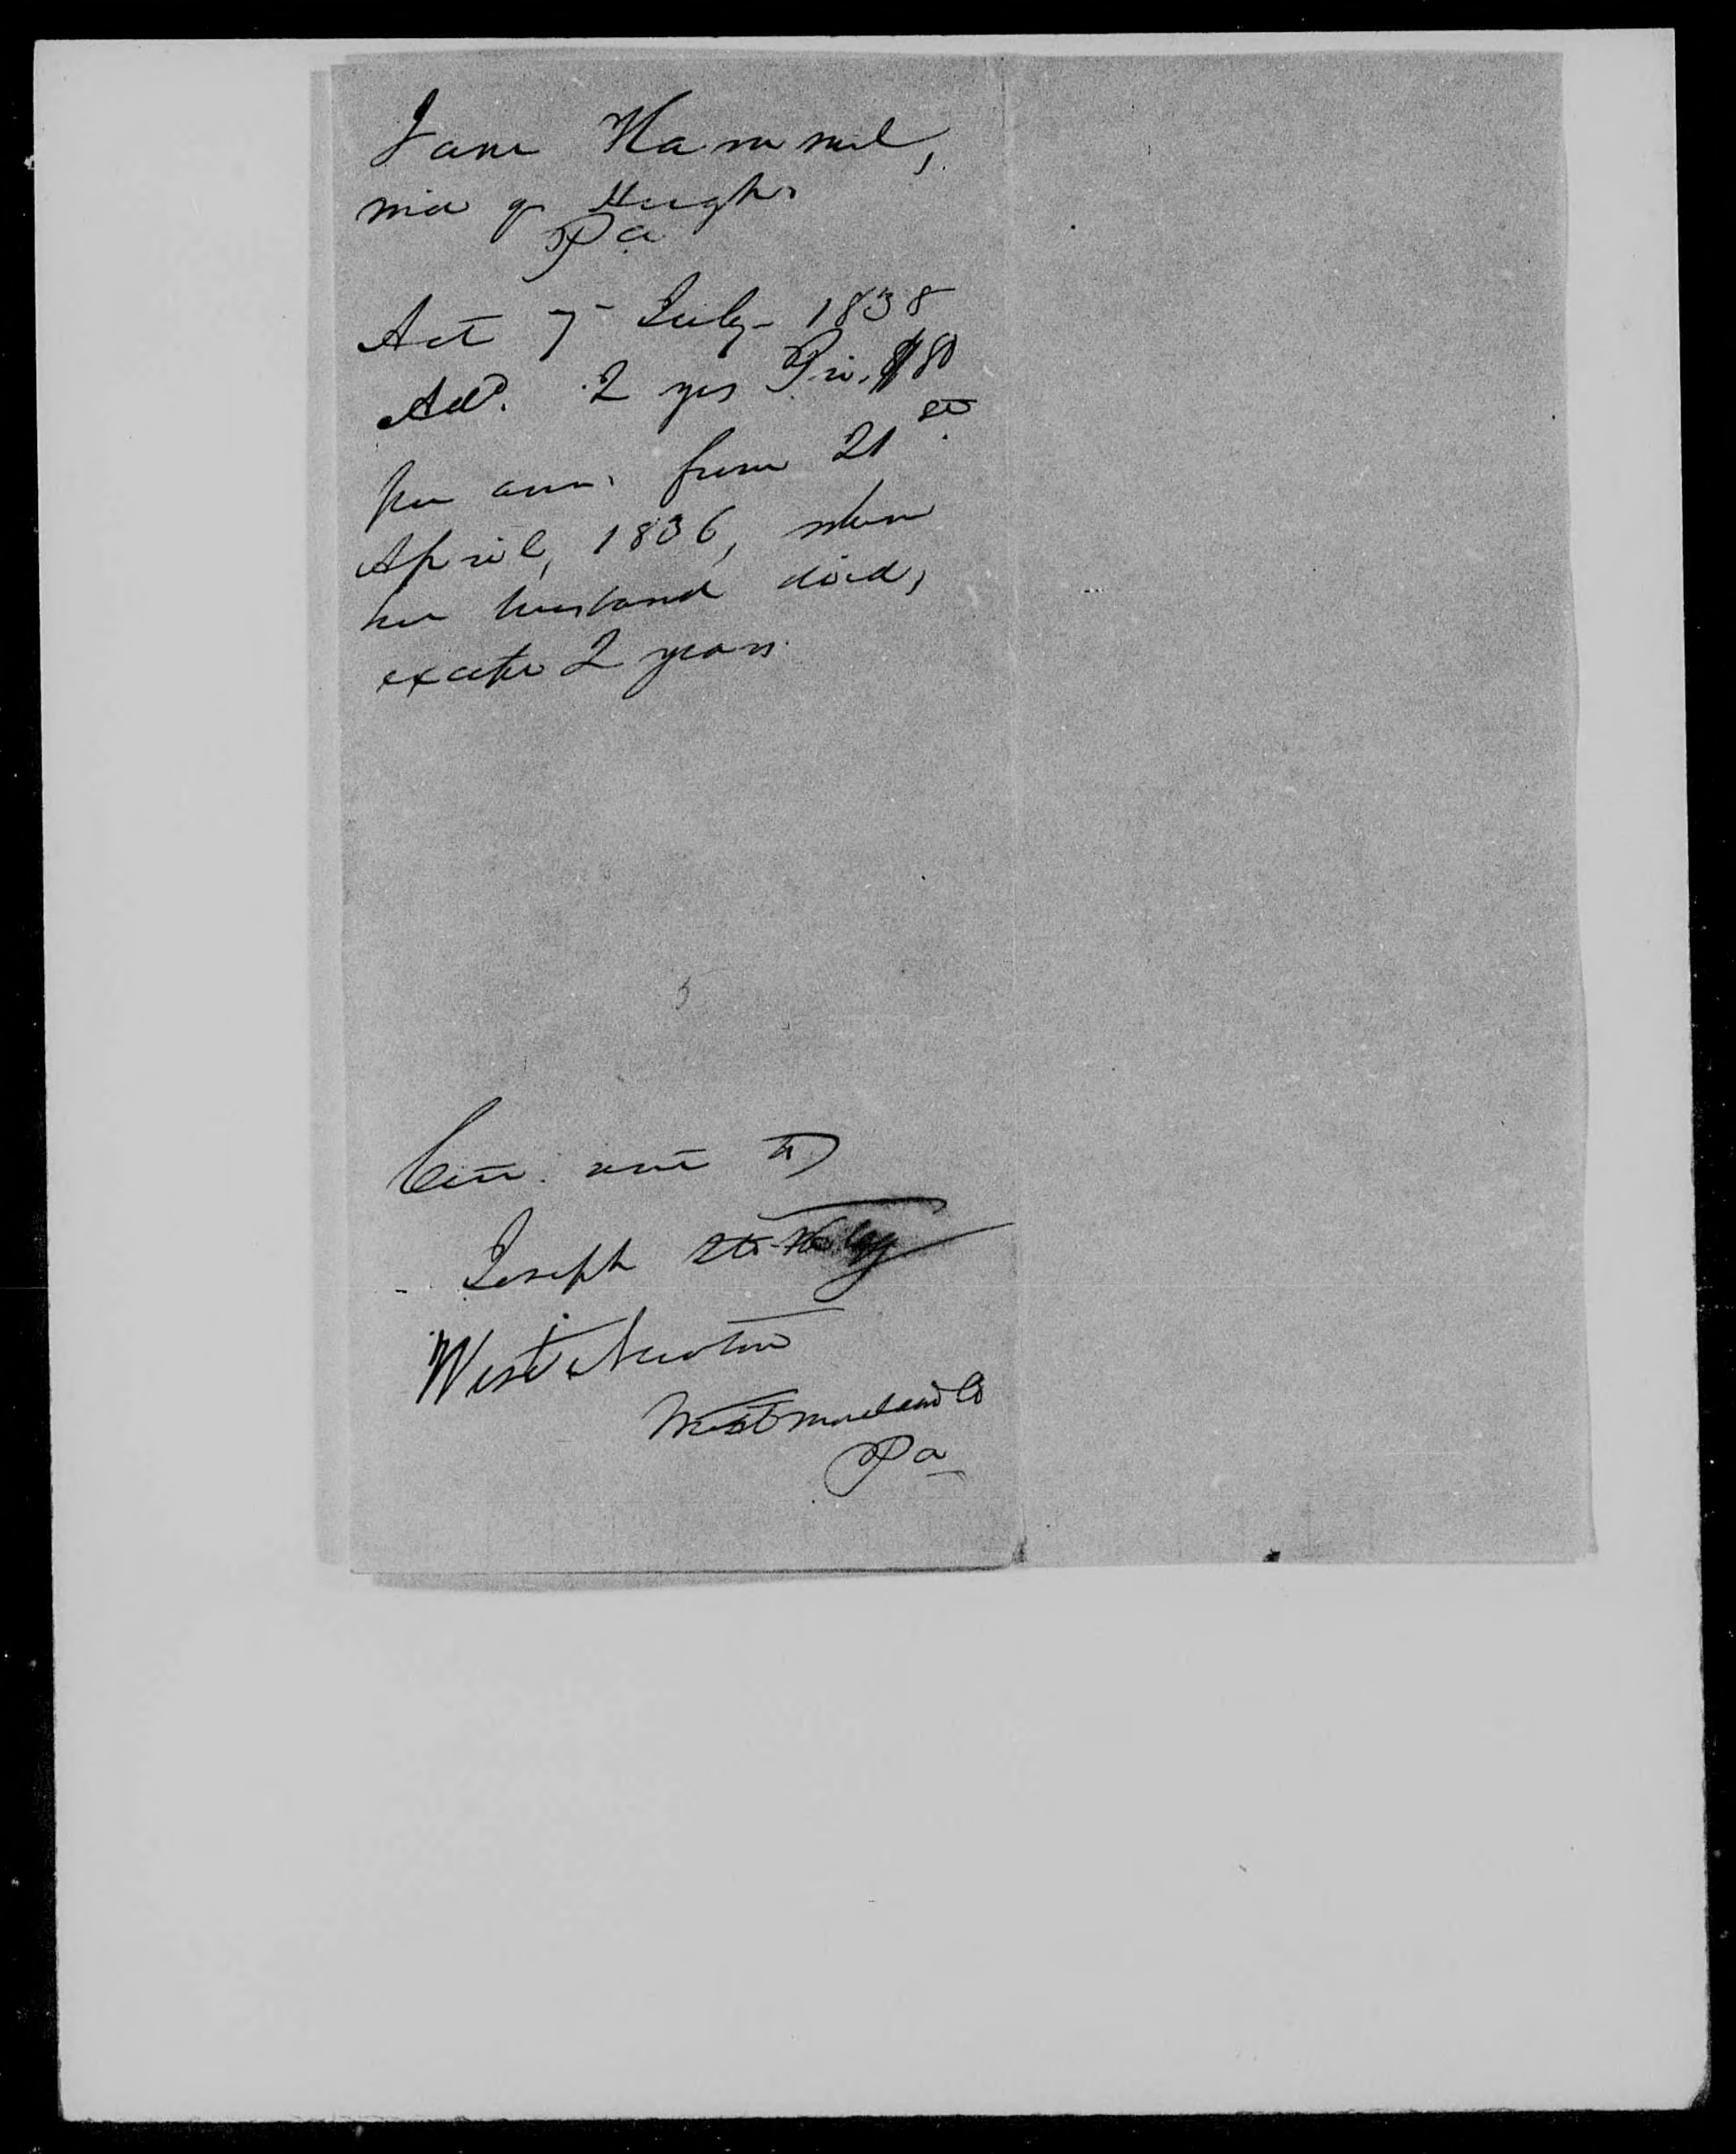Jane Hammel,
[illegible] of Hugh, Pa
Act 7 - July 1838
Add 2 yrs $80
per ann. from 21st
April, 1836, when
her husband died,
except 2 years.

[illegible] unit D
Joseph Stokely
West Newton
Westmoreland Co Pa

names: Joseph Stokeley, Hugh Hammil, Jane Hammil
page: 88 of 92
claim: widow's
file: W 1173, Robert Hamill, Penn.